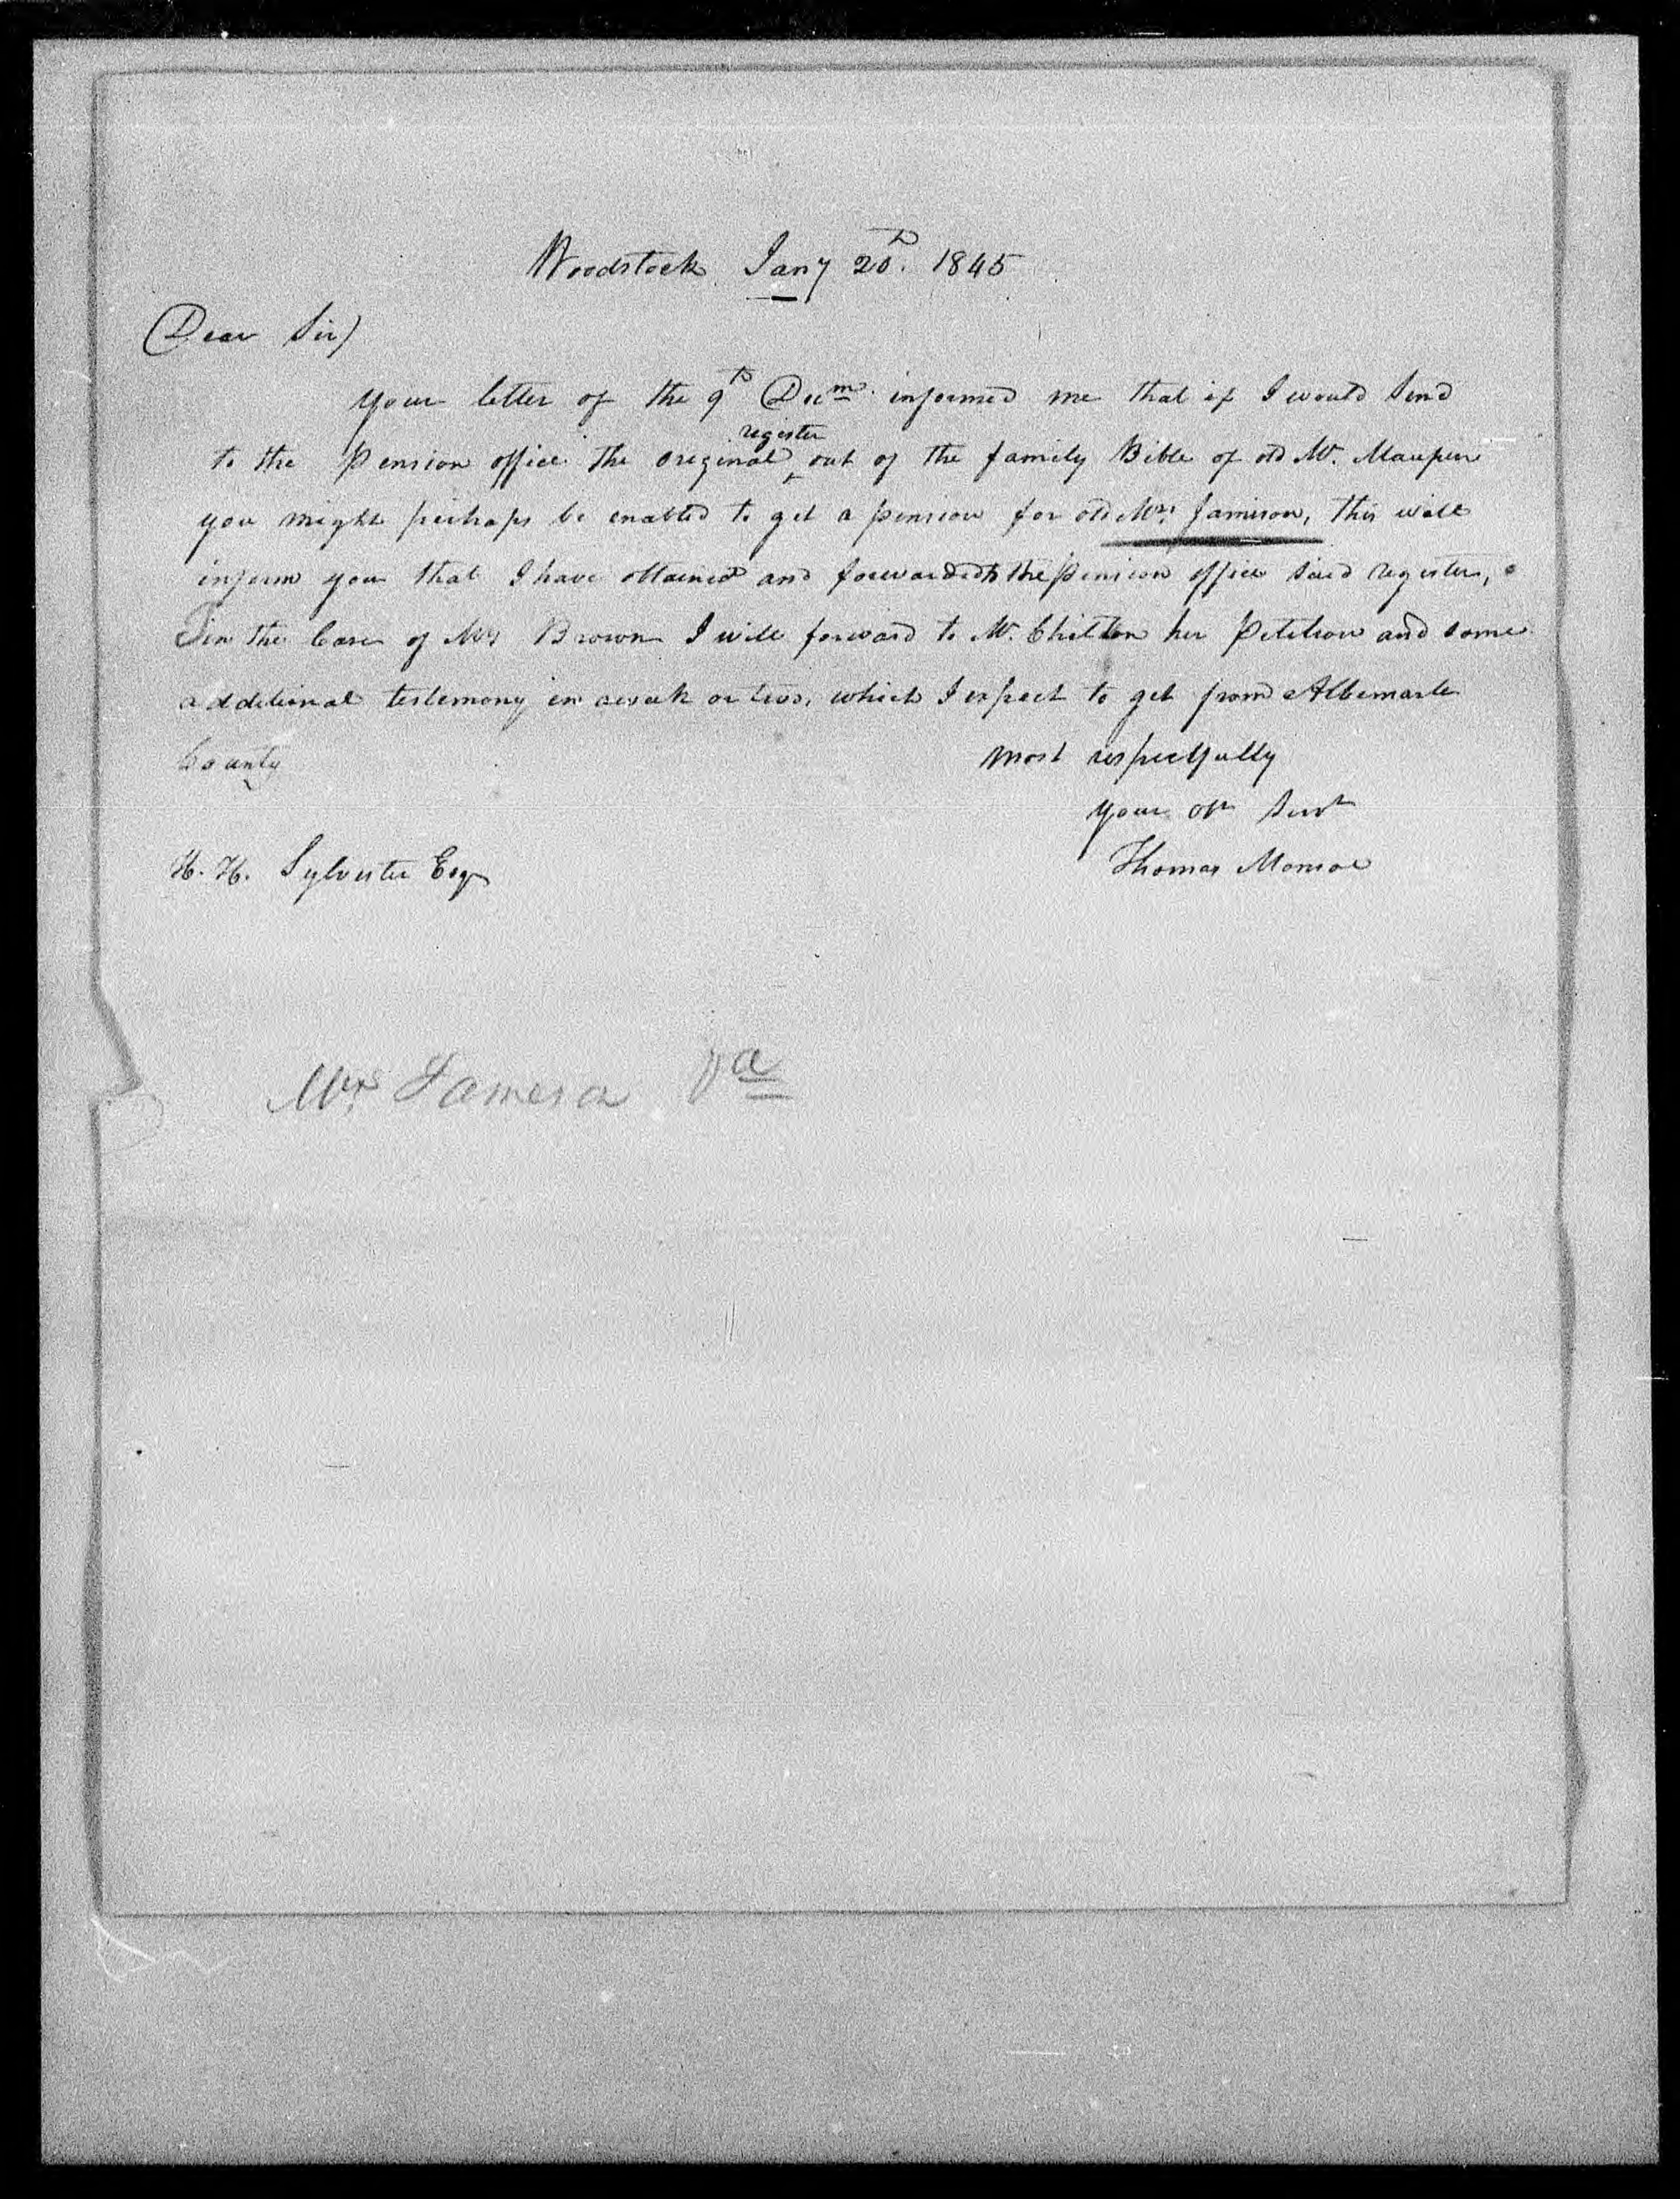Woodstock Jany 20th 1845
Dear Sir
  Your letter of the 9th Dec'm informed me that if I wanted send
to the pension office the original register out of the family Bible of old W. Maupin
you might perhaps be enabled to get a pension for old Mrs. Jameson, this will
inform you that I have obtained and forwarded to the pension office said register.
In the Case of Mrs Brown I will forward to W. Chilton her petition and some 
additional testimony in a week or two, which I expect to get from Albermarle
County.
most respectfully
your ob't Serv't
Thomas Monroe

H.H. Sylvester Esq

Mrs Jameson Va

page: 14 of 28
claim: widow's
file: W. 5112, for Samuel Jamieson, Virginia